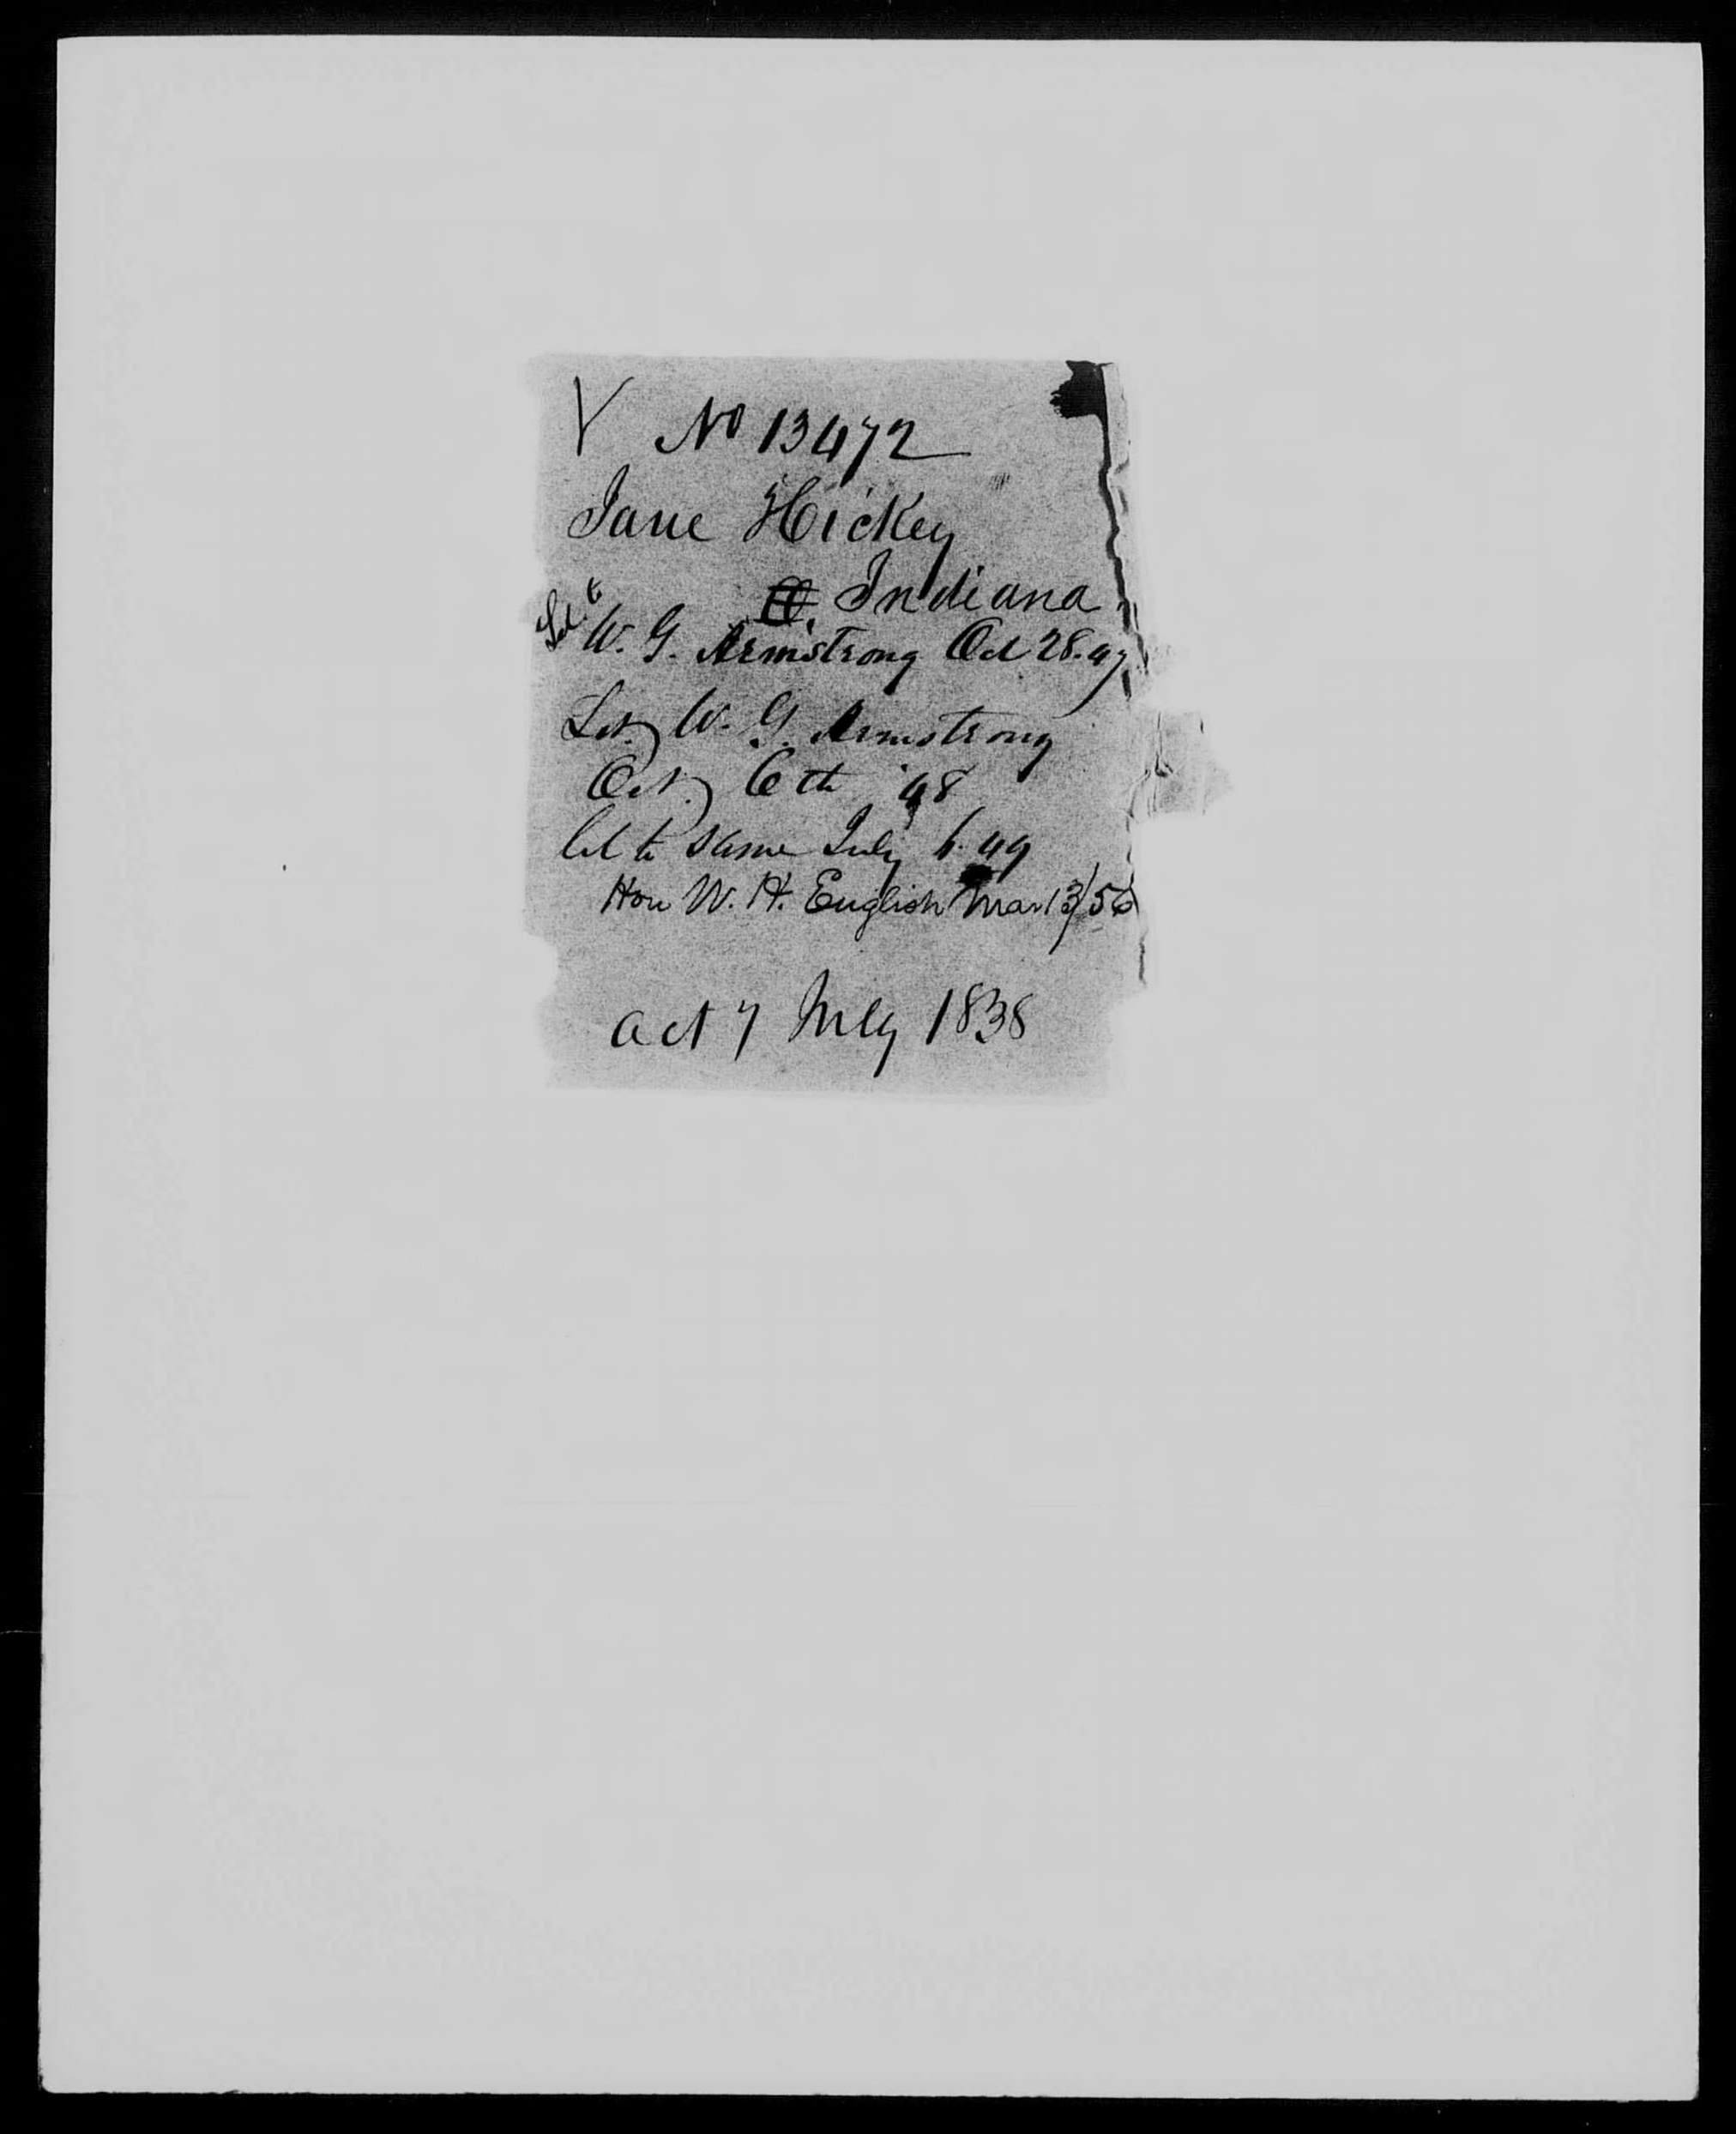V No 13472
Jane Hickey
Indiana
Let to W. G. Armstrong Oct 28, 47
Let W. G. Armstrong Oct, 6th '48
let to same July 6 '49
Hon W. H English Mar 13/56
Act 7 July 1838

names: W G Armstrong, W G Armstrong, Jane Hickey, W H English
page: 18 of 84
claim: widow's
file: W. 7744, Daniel Hickey, Penn.